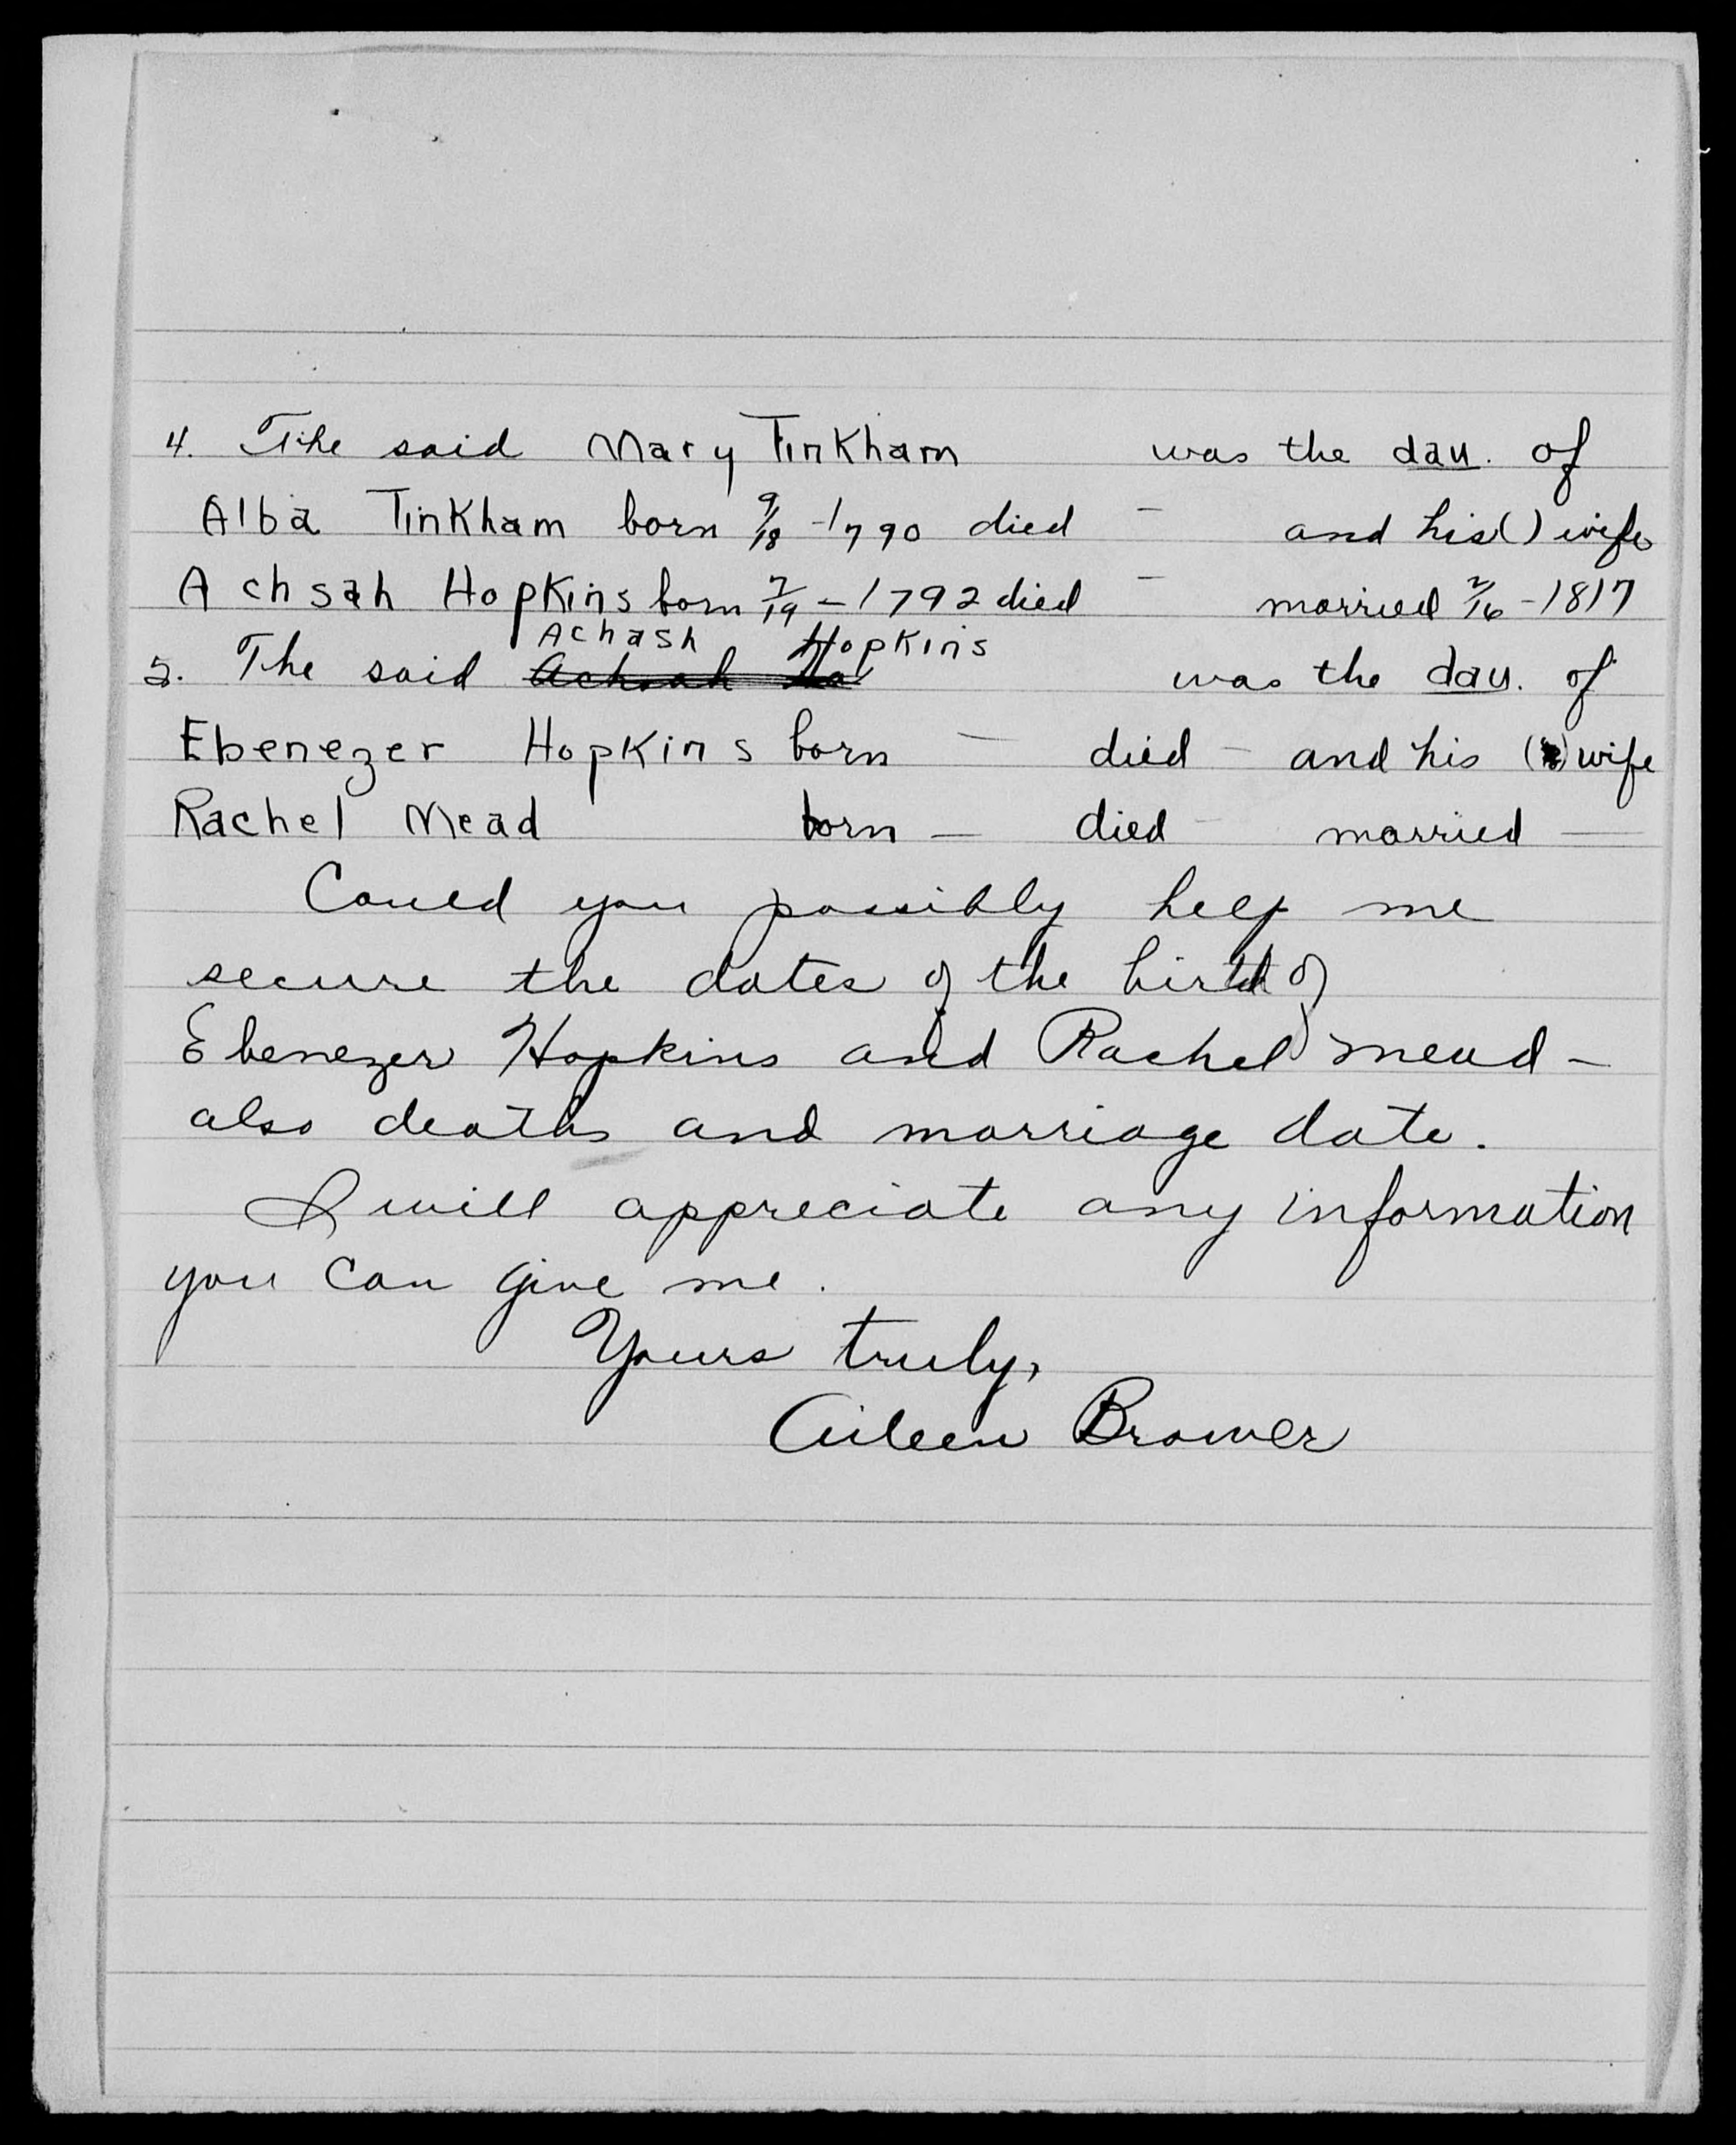4. The said Mary Tinkham was the dau. of Alba Tinkham born 9/18 - 1990 died - and his () wife Achsah Hopkins born 7/19 - 1792 died - married 2/16 - 1817
5. The said Achash Hopkins was the sau. of Ebenezer Hopkins born - died - and his () wife Rachel mead born - died - married - 
Could you possibly help me secure the dates of the birth of Ebenezer Hopkins and Rachel Mead - also deaths and marriage date. I will appreciate any information you can give me. 
Yours truly ,
Aileen Brower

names: Ebenezer Hopkins, Aileen Brower, Achsah Hopkins, Achash Hopkins, Rachel Mead, Alba Tinkham, Mary Tinkham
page: 141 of 144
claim: rejected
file: R. 5208, Dennis Hopkins, N.C.